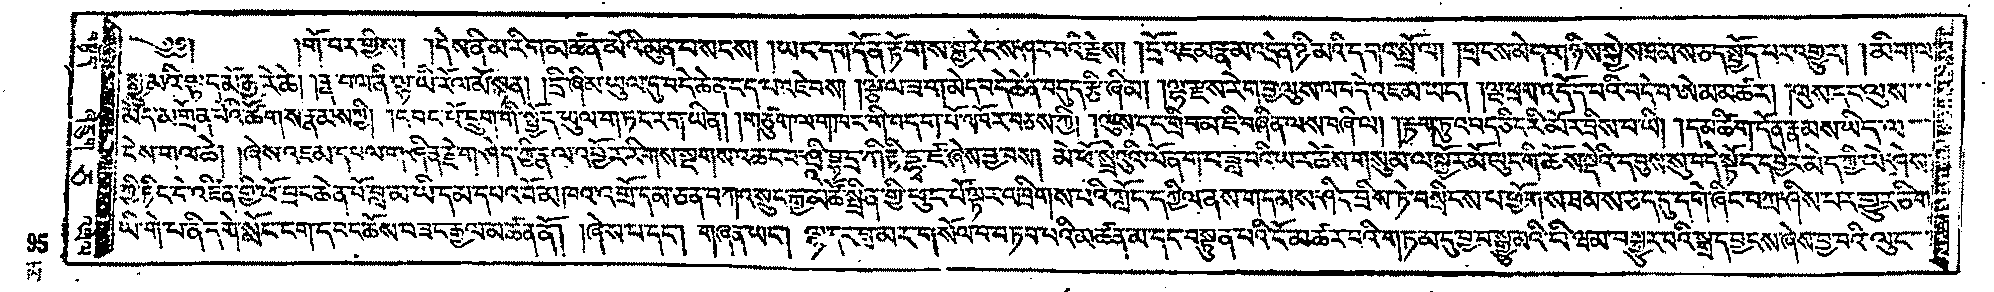༄༅། །གོ་བར་གྱིས། །དེས་ནི་མ་རིག་མཚན་མོའི་མུན་པ་སངས། །ཡང་དག་དོན་རྟོགས་སྐྱ་རེངས་ཤར་བའི་རྗེས། །དྲོ་འཇམ་རྣམ་འདྲེན་ཉི་མའི་དགའ་སྤྲོ་ལ། །གྲངས་མེད་གཉིས་སྐྱེས་ཐམས་ཅད་སྤྱོད་པར་འགྱུར། །མིག་ལ་
སྒྱུ་མའི་ལྟད་མོ་རྒྱ་རེ་ཆེ། །རྣ་བ་ལ་ནི་ལྷ་ཡི་རོལ་མོ་སྙན། །དྲི་ཞིམ་ཡུལ་དུ་བདེ་ཆེན་ངད་པ་འཇེབས། །ལྕེ་ལ་ཟག་མེད་བདེ་ཆེན་བདུད་རྩི་ཞིམ། །ལྷ་རྫས་རེག་བྱ་ལུས་ལ་བདེ་འཇམ་ཡང་། །ལྔ་ཕྲག་འདོད་པའི་བདེ་བ་ཨེ་མ་མཚར། །ལུས་དང་ལུས་
མེད་མགྲོན་པོའི་ཚོགས་རྣམས་ཀྱི། །དབང་པོ་དྲུག་གི་སྤྱོད་ཡུལ་གཏང་རག་ཡིན། །གཙུག་ལག་ཁང་གི་བདག་པོ་འཁོར་བཅས་ཀྱི། །ལུས་དང་གྲིབ་མ་ཇི་བཞིན་ལས་བཞི་ལ། །རྟག་ཏུ་འབད་ཅིང་རི་མོར་བྲིས་པ་ཡི། །དམ་ཚིག་དོན་རྣམས་ཡིད་ལ་
ངེས་གལ་ཆེ། །ཞེས་འཇམ་དཔལ་གཤིན་རྗེ་གཤེད་ཀྱི་རྣལ་འབྱོར་རིགས་སྔགས་འཆང་བ་ཤྲཱི་བྷ་དྲ་ཀི་རྟི་དྷྭ་ཛ་ཞེས་བྱ་བས། མེ་ཕོ་སྤྲེའུའི་ལོ་ནག་པ་ཟླ་བའི་ཡར་ཚེས་གསུམ་ལ་སྐྱོར་མོ་ལུང་གི་ཆོས་སྡེའི་དབུས་སུ་བདེ་སྟོང་དབྱེར་མེད་ཀྱི་ཡེ་ཤེས་
ཀྱི་ཏིང་ངེ་འཛིན་གྱི་ཕོ་བྲང་ཆེན་པོ་བླ་མ་ཡི་དམ་དཔའ་བོ་མཁའ་འགྲོ་དམ་ཅན་བཀའ་སྲུང་རྒྱ་མཚོ་སྤྲིན་གྱི་ཕུང་པོ་ལྟར་འཁྲིགས་པའི་ཀློང་དཀྱིལ་ནས་གདམས་ཤིང་བྲིས་ཏེ་བསྲིངས་པ་ཕྱོགས་ཐམས་ཅད་དུ་དགེ་ཞིང་བཀྲ་ཤིས་པར་གྱུར་ཅིག་
ཡི་གེ་པ་ནི་དགེ་སློང་ངག་དབང་ཆོས་བཟང་རྒྱལ་མཚན་ནོ། །ཞེས་པ་དང་། གཞན་ཡང་། ལྷ་དང་བླ་མར་གསོལ་བ་བཏབ་པའི་མཚན་མ་དང་བསྟུན་པའི་ངོ་མཚར་བའི་གཏམ་དུ་བྱ་བ་སྒྱུ་མའི་བི་ཝམ་བསྒྱུར་བའི་སྒྲ་དབྱངས་ཞེས་བྱ་བའི་ལུང་